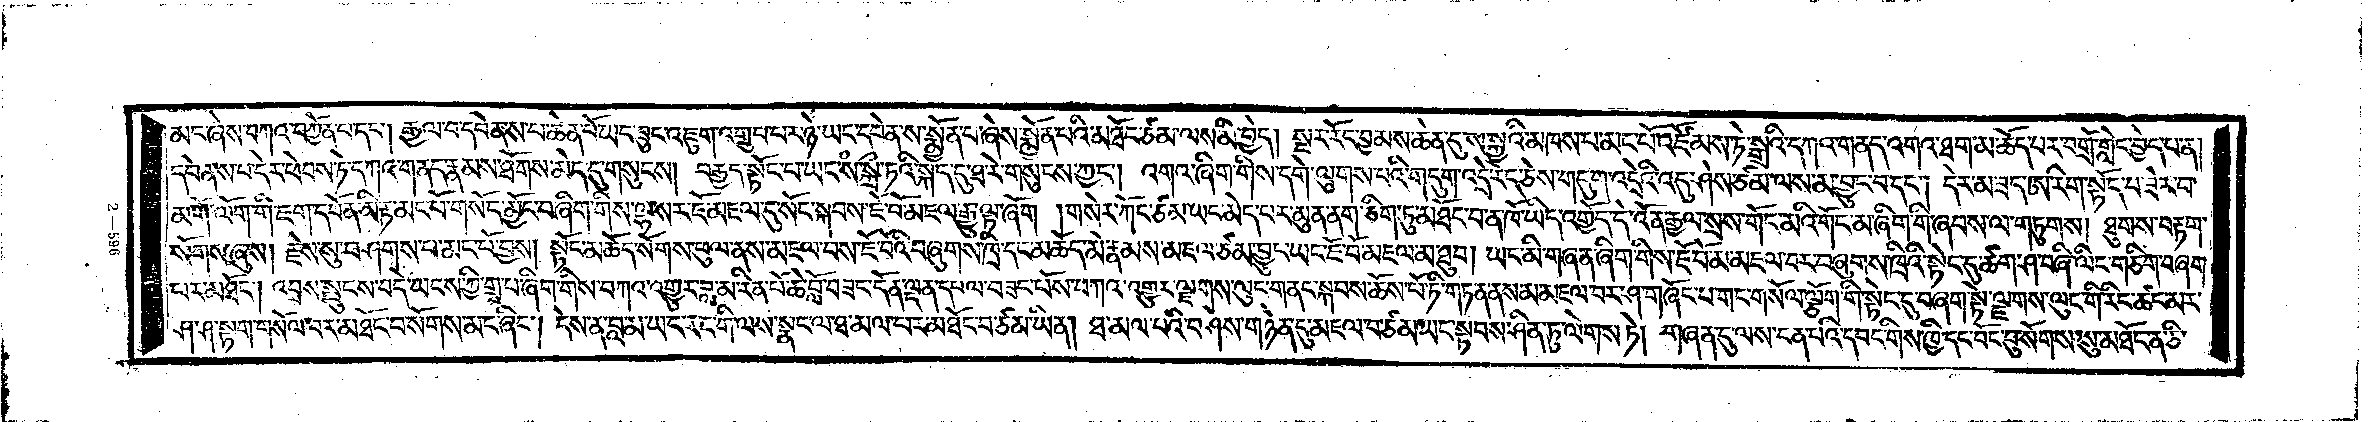མང་ཞེས་བཀའ་བཀྱོན་པ་དང་། རྒྱལ་བ་དཔེན་ས་པ་ཆེན་པོ་ཡང་ཟུང་འཇུག་འགྲུབ་པར་ཉེ་ཡང་དབེན་ས་སྨྱོན་པ་ཞེས་སྨྱོན་པའི་མཐོང་ཙམ་ལས་མི་བྱེད། སྔར་རོང་བྱམས་ཆེན་དུ་ས་སྐྱའི་མཁས་པ་མང་པོ་འཛོམས་ཏེ་སྒྲའི་དཀའ་གནད་འགའ་ཐག་མ་ཆོད་པར་བགྲོ་གླེང་བྱེད་པ་ན།
དབེན་ས་པ་དེར་ཕེབས་ཏེ་དཀའ་གནད་རྣམས་ཐོགས་མེད་དུ་གསུངས། བརྒྱད་སྟོང་པ་ཡང་སཾ་སྐྲྀ་ཏའི་སྐད་དུ་ཐ་རེ་གསུངས་ཀྱང་། འགའ་ཞིག་གིས་དགེ་ལུགས་པའི་གདུག་འདྲེ་རེད་ཅེས་གདུག་འདྲེའི་འདུ་ཤེས་ཙམ་ལས་མ་བྱུང་བ་དང་། དེར་མ་ཟད་ཨ་རིག་སྟོད་པ་ཟེར་བ་
མགོ་ལོག་གི་ཇག་དཔོན་མི་རྟ་མང་པོ་གསོང་མྱོང་བ་ཞིག་གིས་ལྷ་སར་ཇོ་མཇལ་དུ་སོང་སྐབས་ཇོ་བོ་མཇལ་རྒྱུ་ལྟ་ཞོག །གསེར་ཀོང་ཙམ་ཡང་མེད་པར་མུན་ནག་ཅིག་ཏུ་མཐོང་པ་ན་ཁོ་ཡིད་འགྱོད་དེ་འོན་རྒྱལ་སྲས་གོང་མའི་གོང་མ་ཞིག་གི་ཞབས་ལ་གཏུགས། ཐུགས་བརྟག་
སོགས་ཞུས། རྗེས་སུ་བཤགས་པ་མང་པོ་བྱས། སྟོང་མཆོད་སོགས་ཕུལ་ནས་མཇལ་བས་ཇོ་བོའི་བཞུགས་ཁྲི་དང་མཆོད་མེ་རྣམས་མཇལ་ཙམ་བྱུང་ཡང་ཇོ་བོ་མཇལ་མ་ཐུབ། ཡང་མི་གཞན་ཞིག་གིས་ཇོ་བོ་མ་མཇལ་བར་བཞུགས་ཁྲིའི་སྟེང་དུ་ཚག་ཤ་བཞི་ལིང་གཅིག་བཞག་
པར་མཐོང་། འབྲས་སྤུངས་བདེ་ཡངས་ཀྱི་གྲྭ་པ་ཞིག་གིས་བཀའ་འགྱུར་བླ་མ་རིན་པོ་ཆེ་བློ་བཟང་དོན་ལྡན་དཔལ་བཟང་པོས་བཀའ་འགྱུར་ལྗགས་ལུང་གནད་སྐབས་ཆོས་པོ་ཏི་གཏན་ནས་མ་མཇལ་བར་ཤ་གཞོང་པ་གང་གསོལ་ལྕོག་གི་སྟེང་དུ་བཞག་སྟེ་ལྗགས་ལུང་གི་རིང་ཚང་མར་
ཤ་ཤ་སྟག་གསོལ་བར་མཐོང་བ་སོགས་མང་ཞིང་། དེས་ན་བླ་མ་ཡང་རང་གི་ལས་སྣང་ལ་ཐ་མལ་པར་མཐོང་བ་ཙམ་ཡིན། ཐ་མལ་པའི་བཤེས་གཉེན་དུ་མཇལ་བ་ཙམ་ཡང་སྟབས་ཤིན་ཏུ་ལེགས་ཏེ། གཞན་དུ་ལས་ངན་པའི་དབང་གིས་ཁྱི་དང་བོང་བུ་སོགས་སུ་མཐོང་ན་ཅི་